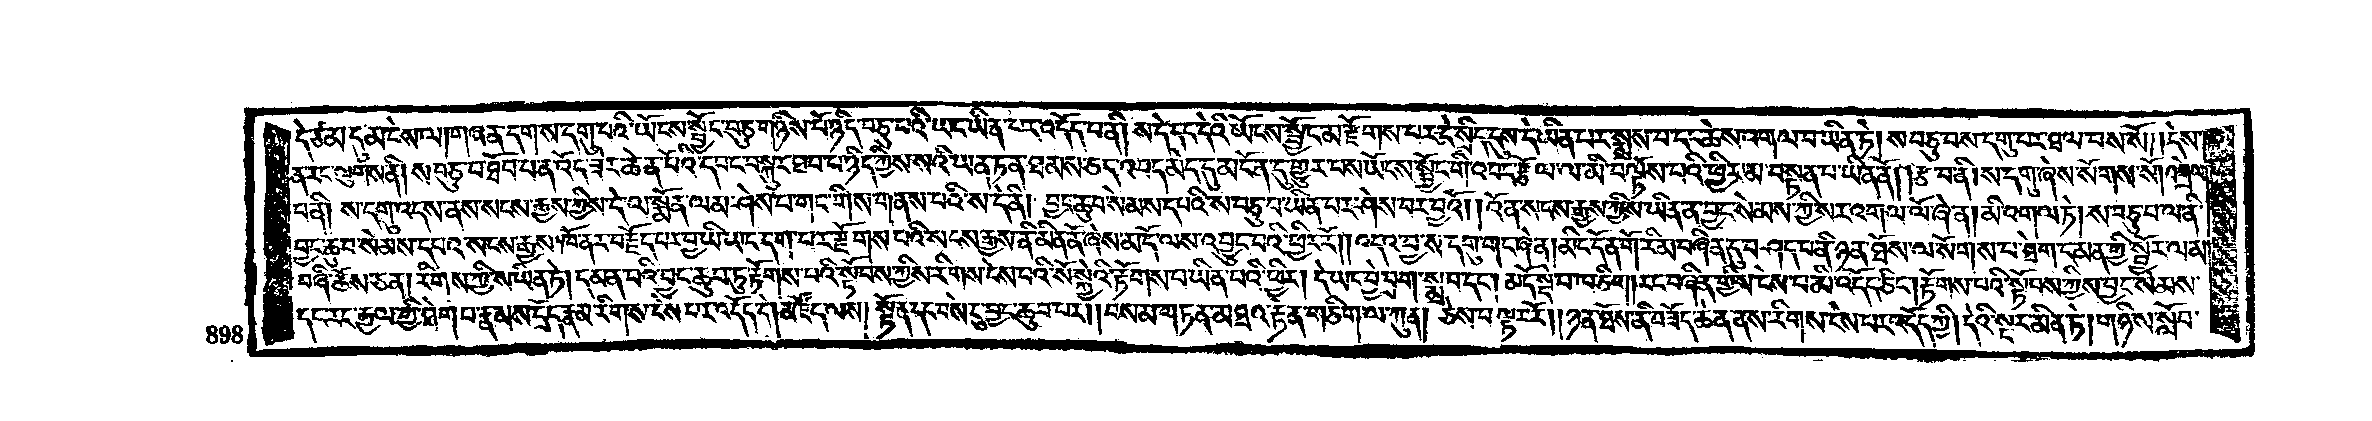དེ་ཙམ་དུ་མ་ངེས་ལ། གཞན་དག་ས་དགུ་པའི་ཡོངས་སྦྱོང་བཅུ་གཉིས་པོ་ཉིད་བཅུ་པའི་ཡང་ཡིན་པར་འདོད་པ་ནི། ས་དེ་དང་དེའི་ཡོངས་སྦྱོང་མ་རྫོགས་པར་དེ་སྲིད་དུས་དེ་ཡིན་པར་སྨྲས་པ་དང་ཆེས་འགལ་བ་ཡིན་ཏེ། ས་བཅུ་པས་དགུ་པར་ཐལ་བས་སོ། །དེས་
ན་རང་ལུགས་ནི། ས་བཅུ་པ་ཐོབ་པ་ན་འོད་ཟེར་ཆེན་པོའི་དབང་བསྐུར་ཐོབ་པ་ཉིད་ཀྱིས་སའི་ཡོན་ཏན་ཐམས་ཅད་འབད་མེད་དུ་མངོན་དུ་གྱུར་པས་ཡོངས་སྦྱོང་གི་འབད་རྩོལ་ལ་མི་བལྟོས་པའི་ཕྱིར་མ་བསྟན་པ་ཡིན་ནོ། །རྩ་བ་ནི། ས་དགུ་ཞེས་སོགས་སོ། འགྲེལ་
པ་ནི། ས་དགུ་འདས་ནས་སངས་རྒྱས་ཀྱིས་དེ་ལ་སྨོན་ལམ་ཤེས་པ་གང་གིས་གནས་པའི་ས་དེ་ནི། བྱང་ཆུབ་སེམས་དཔའི་ས་བཅུ་པ་ཡིན་པར་ཤེས་པར་བྱའོ། །འོ་ན་སངས་རྒྱས་ཀྱིས་ཡིན་ན་བྱང་སེམས་ཀྱི་སར་འགལ་ལོ་ཞེ་ན། མི་འགལ་ཏེ། ས་བཅུ་པ་ལ་ནི་
བྱང་ཆུབ་སེམས་དཔའ་སངས་རྒྱས་ཁོ་ནར་བརྗོད་པར་བྱ་ཡི་ཡང་དག་པར་རྫོགས་པའི་སངས་རྒྱས་ནི་མིན་ནོ་ཞེས་མདོ་ལས་འབྱུང་བའི་ཕྱིར་རོ། །འདའ་བྱ་ས་དགུ་གང་ཞེ་ན། མིང་དོན་གོ་རིམ་བཞིན་དུ་བཤད་པ་ནི་ཉན་ཐོས་ལ་སོགས་པ་ཐེག་དམན་གྱི་སྦྱོར་ལམ་
བཞི་ཆོས་ཅན། རིགས་ཀྱི་ས་ཡིན་ཏེ། དམན་པའི་བྱང་ཆུབ་ཏུ་རྟོགས་པའི་སྟོབས་ཀྱིས་རིགས་ངེས་པའི་སོ་སྐྱེའི་རྟོགས་པ་ཡིན་པའི་ཕྱིར། དེ་ཡང་བྱེ་བྲག་སྨྲ་བ་དང་། མདོ་སྡེ་པ་ཁ་ཅིག །རང་བཞིན་གྱིས་ངེས་པ་མི་འདོད་ཅིང་། རྟོགས་པའི་སྟོབས་ཀྱིས་བྱང་སེམས་
དང་རང་རྒྱལ་གྱི་ཐེག་པ་རྣམས་དྲོད་རྣམ་རིགས་ངེས་པར་འདོད་དེ། མཛོད་ལས། སྟོན་དང་བསེ་རུ་བྱང་ཆུབ་པར། །བསམ་གཏན་མཐའ་རྟེན་གཅིག་ལ་ཀུན། ཅེས་པ་ལྟར་རོ། །ཉན་ཐོས་ནི་བཟོད་ཆེན་ནས་རིགས་ངེས་པར་འདོད་ཀྱི། དེའི་སྔར་མིན་ཏེ། གཉིས་སློབ་